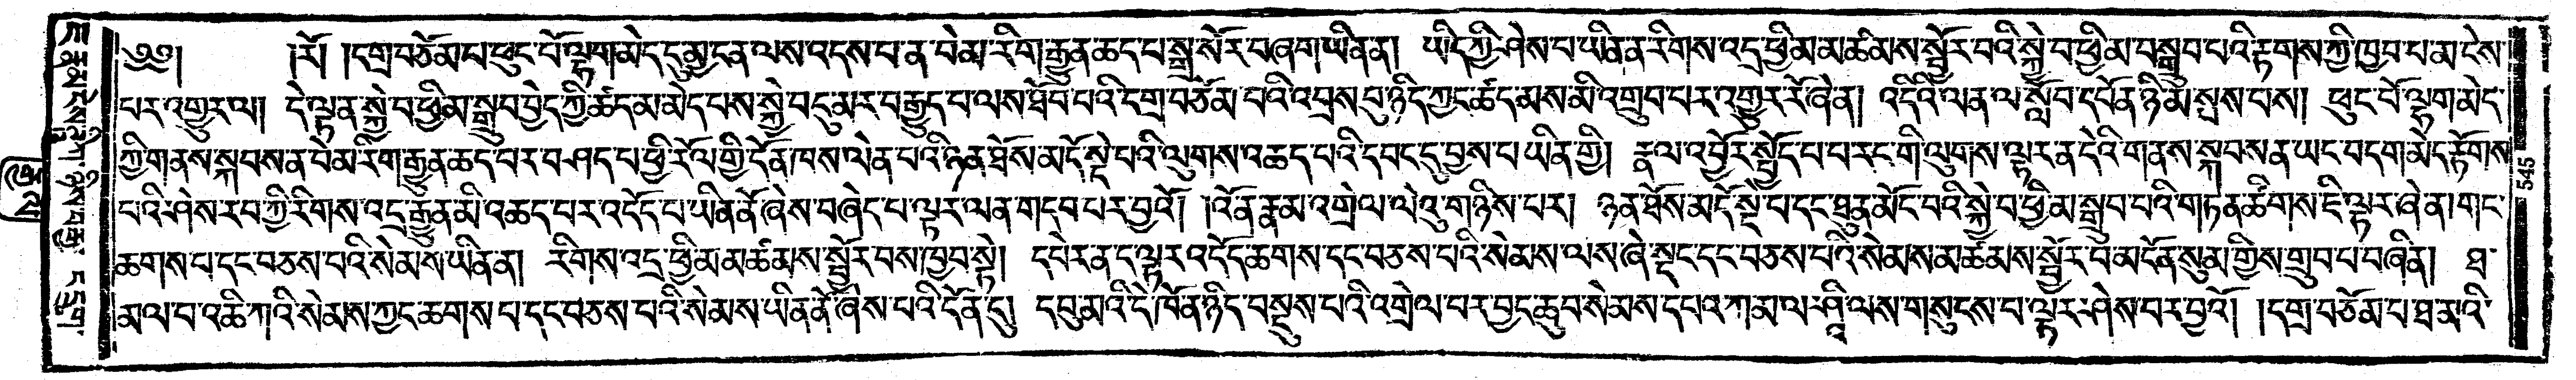༄༅། །རོ། །དགྲ་བཅོམ་པ་ཕུང་པོ་ལྷག་མེད་དུ་མྱ་ངན་ལས་འདས་པ་ན་བེམ་རིག་རྒྱུན་ཆད་པ་སྒྲ་སོར་བཞག་ཡིན་ན། ཡིད་ཀྱི་ཤེས་པ་ཡིན་ན་རིགས་འདྲ་ཕྱི་མ་མཚམས་སྦྱོར་བའི་སྐྱེ་བ་ཕྱི་མ་བསྒྲུབ་པའི་རྟགས་ཀྱི་ཁྱབ་པ་མ་ངེས་
པར་འགྱུར་ལ། དེ་ལྟ་ན་སྐྱེ་བ་ཕྱི་མ་སྒྲུབ་བྱེད་ཀྱི་ཚད་མ་མེད་པས་སྐྱེ་བ་དུ་མར་བརྒྱུད་པ་ལས་ཐོབ་པའི་དགྲ་བཅོམ་པའི་འབྲས་བུ་ཉིད་ཀྱང་ཚད་མས་མི་འགྲུབ་པར་འགྱུར་རོ་ཞེ་ན། འདིའི་ལན་ལ་སློབ་དཔོན་ཉི་མ་སྤས་པས། ཕུང་པོ་ལྷག་མེད་
ཀྱི་གནས་སྐབས་ན་བེམ་རིག་རྒྱུན་ཆད་པར་བཤད་པ་ཕྱི་རོལ་གྱི་དོན་ཁས་ལེན་པའི་ཉན་ཐོས་མདོ་སྡེ་པའི་ལུགས་འཆད་པའི་དབང་དུ་བྱས་པ་ཡིན་གྱི། རྣལ་འབྱོར་སྤྱོད་པ་པ་རང་གི་ལུགས་ལྟར་ན་དེའི་གནས་སྐབས་ན་ཡང་བདག་མེད་རྟོགས་
པའི་ཤེས་རབ་ཀྱི་རིགས་འདྲ་རྒྱུན་མི་འཆད་པར་འདོད་པ་ཡིན་ནོ་ཞེས་བཞེད་པ་ལྟར་ལན་གདབ་པར་བྱའོ། །འོ་ན་རྣམ་འགྲེལ་ལེའུ་གཉིས་པར། ཉན་ཐོས་མདོ་སྡེ་པ་དང་ཐུན་མོང་བའི་སྐྱེ་བ་ཕྱི་མ་སྒྲུབ་པའི་གཏན་ཚིགས་ཇི་ལྟར་ཞེ་ན། གང་
ཆགས་པ་དང་བཅས་པའི་སེམས་ཡིན་ན། རིགས་འདྲ་ཕྱི་མ་མཚམས་སྦྱོར་བས་ཁྱབ་སྟེ། དཔེར་ན་ད་ལྟར་འདོད་ཆགས་དང་བཅས་པའི་སེམས་ལས་ཞེ་སྡང་དང་བཅས་པའི་སེམས་མཚམས་སྦྱོར་བ་མངོན་སུམ་གྱིས་གྲུབ་པ་བཞིན། ཐ་
མལ་པ་འཆི་ཀའི་སེམས་ཀྱང་ཆགས་པ་དང་བཅས་པའི་སེམས་ཡིན་ནོ་ཞེས་པའི་དོན་དུ། དབུ་མའི་དེ་ཁོ་ན་ཉིད་བསྡུས་པའི་འགྲེལ་པར་བྱང་ཆུབ་སེམས་དཔའ་ཀ་མ་ལ་ཤཱི་ལས་གསུངས་པ་ལྟར་ཤེས་པར་བྱའོ། །དགྲ་བཅོམ་པ་ཐ་མའི་